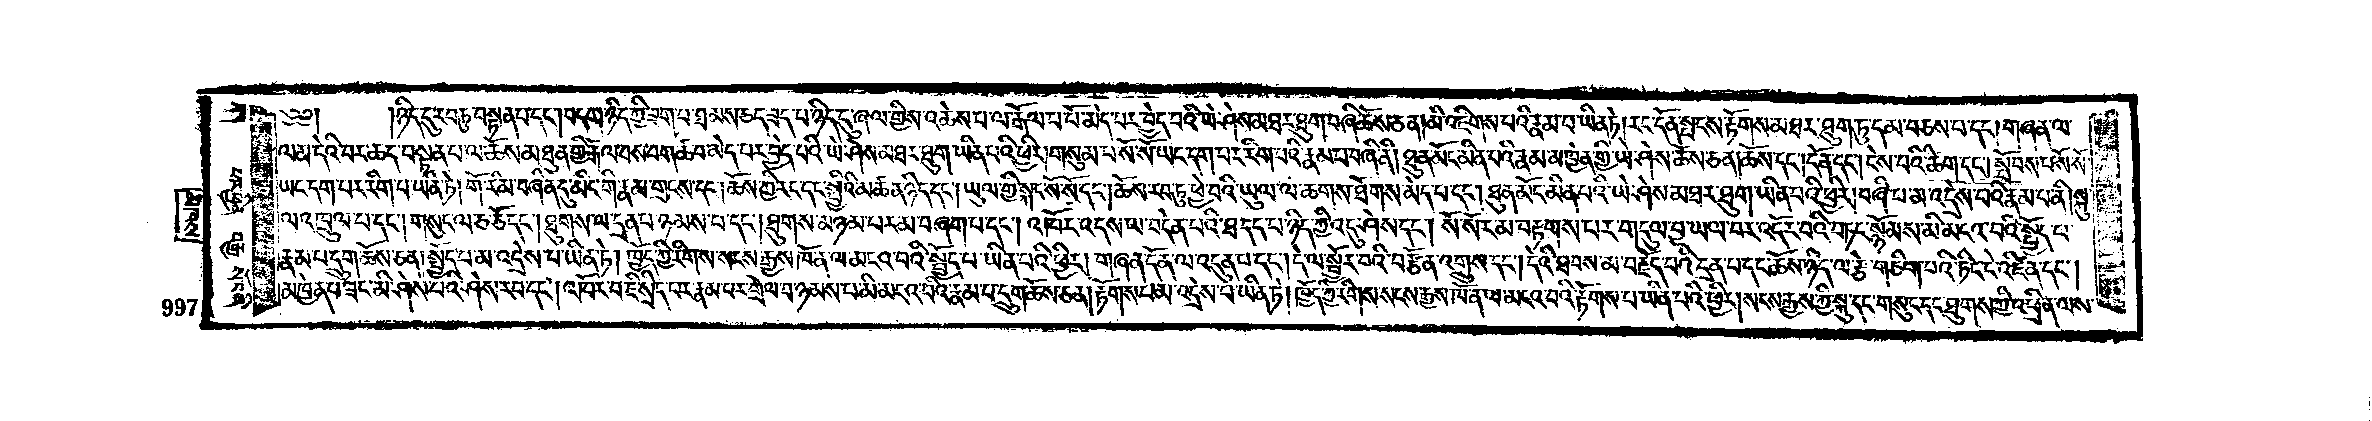༄༅། །ཉིད་དུ་རབ་ཏུ་བསྟན་པ་དང་། བདག་ཉིད་ཀྱི་ཟག་པ་ཐམས་ཅད་ཟད་པ་ཉིད་དུ་ཞལ་གྱིས་འཆེས་པ་ལ་རྒོལ་བ་པོ་མེད་པར་བྱེད་པའི་ཡེ་ཤེས་མཐར་ཐུག་བཞི་ཆོས་ཅན། མི་འཇིགས་པའི་རྣམ་པ་ཡིན་ཏེ། རང་དོན་སྤངས་རྟོགས་མཐར་ཐུག་ཏུ་དམ་བཅས་པ་དང་། གཞན་ལ་
ལམ་དེའི་བར་ཆད་བསྟན་པ་ལ་ཆོས་མཐུན་གྱི་རྒོལ་བས་བག་ཚ་བ་མེད་པར་བྱེད་པའི་ཡེ་ཤེས་མཐར་ཐུག་ཡིན་པའི་ཕྱིར། གསུམ་པ་སོ་སོ་ཡང་དག་པར་རིག་པའི་རྣམ་པ་བཞི་ནི། ཐུན་མོང་མིན་པའི་རྣམ་མཁྱེན་གྱི་ཡེ་ཤེས་ཆོས་ཅན། ཆོས་དང་། དོན་དང་། ངེས་པའི་ཚིག་དང་། སྤོབས་པ་སོ་སོ་
ཡང་དག་པར་རིག་པ་ཡིན་ཏེ། གོ་རིམ་བཞིན་དུ་མིང་གི་རྣམ་གྲངས་དང་། ཆོས་ཀྱི་རང་དང་སྤྱིའི་མཚན་ཉིད་དང་། ཡུལ་གྱི་སྐད་སོ་སོ་དང་། ཆོས་རབ་ཏུ་ཕྱེ་བའི་ཡུལ་ལ་ཆགས་ཐོགས་མེད་པ་དང་། ཐུན་མོང་མིན་པའི་ཡེ་ཤེས་མཐར་ཐུག་ཡིན་པའི་ཕྱིར། བཞི་པ་མ་འདྲེས་པའི་རྣམ་པ་ནི། སྐུ་
ལ་འཁྲུལ་པ་དང་། གསུང་ལ་ཅ་ཅོ་དང་། ཐུགས་ལ་དྲན་པ་ཉམས་པ་དང་། ཐུགས་མཉམ་པར་མ་བཞག་པ་དང་། འཁོར་འདས་ལ་བདེན་པའི་ཐ་དད་པ་ཉིད་ཀྱི་འདུ་ཤེས་དང་། སོ་སོར་མ་བརྟགས་པར་གདུལ་བྱ་ཡལ་བར་འདོར་བའི་བཏང་སྙོམས་མི་མངའ་བའི་སྤྱོད་པ་
རྣམ་པ་དྲུག་ཆོས་ཅན། སྤྱོད་པ་མ་འདྲེས་པ་ཡིན་ཏེ། ཁྱོད་ཀྱི་རིགས་སངས་རྒྱས་ཁོ་ན་ལ་མངའ་བའི་སྤྱོད་པ་ཡིན་པའི་ཕྱིར། གཞན་དོན་ལ་འདུན་པ་དང་། དེ་ལ་སྦྱོར་བའི་བརྩོན་འགྲུས་དང་། དེའི་ཐབས་མ་བརྗོད་པའི་དྲན་པ་དང་ཆོས་ཉིད་ལ་རྩེ་གཅིག་པའི་ཏིང་ངེ་འཛིན་དང་།
མཁྱེན་པ་ཟང་མི་ཤེས་པའི་ཤེས་རབ་དང་། འཁོར་བ་ཇི་སྲིད་པར་རྣམ་པར་གྲེལ་བ་ཉམས་པ་མི་མངའ་བའི་རྣམ་པ་དྲུག་ཆོས་ཅན། རྟོགས་པ་མ་འདྲེས་པ་ཡིན་ཏེ། ཁྱོད་ཀྱི་རིགས་སངས་རྒྱས་ཁོ་ན་ལ་མངའ་བའི་རྟོགས་པ་ཡིན་པའི་ཕྱིར། སངས་རྒྱས་ཀྱི་སྐུ་དང་གསུང་དང་ཐུགས་ཀྱི་འཕྲིན་ལས་